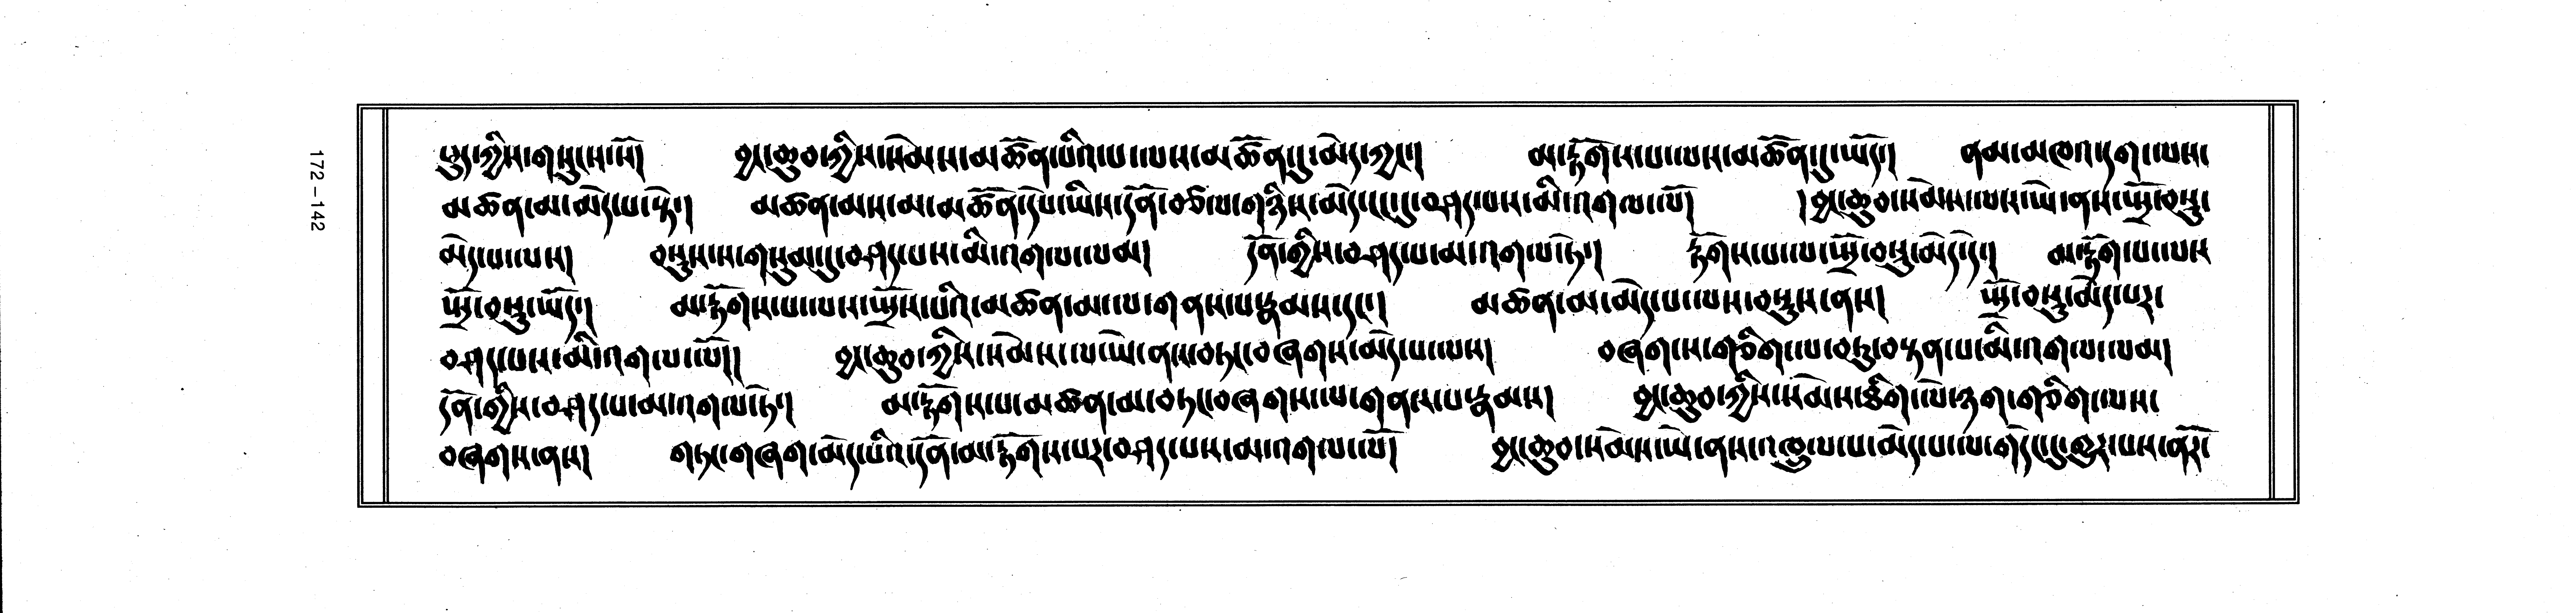ཕུད་ཀྱིས་གསུངས་སྭོ། བྱང་ཆུབ་ཀྱིས་སེམས་མཚོན་པའི་པ་ལས་མཚོན་དུ་མེད་ཀྱང་། མ་རྟོགས་པ་ལས་མཚོན་དུ་ཡོད། ནམ་མཁའ་དག་ལས་
མཚན་མ་མེད་པ་སྟེ། མཚན་མས་མ་མཚོན་དཔེ་ཡིས་དོན་བཙལ་གཉིས་མེད་ངང་དུ་བཤད་པས་མི་འགལ་ལོ། བྱང་ཆུབ་སེམས་ལས་ཡེ་ནས་སྤྲོ་བསྡུ་
མེད་པ་ལས། བསྡུས་པ་གསུམ་དུ་བཤད་པས་མི་འགལ་ལམ། དོན་གྱིས་བཤད་པ་མ་འགལ་ཏེ། རྟོགས་པ་ལ་སྤྲོ་བསྡུ་མེད་དེ། མ་རྟོག་པ་ལས་
སྤྲོ་བསྡུ་ཡོད། མ་རྟོགས་པ་ལས་སྤྲོས་པའི་མཚན་མ་ལ་གནས་པ་རྣམས་དང་། མཚན་མ་མེད་པ་ལས་བསྡུས་ནས། སྤྲོ་བསྡུ་མེད་པར་
བཤད་པས་མི་འགལ་ལོ། བྱང་ཆུབ་ཀྱིས་སེམས་ལ་ཡེ་ནས་བཏང་བཞགས་མེད་པ་ལས། བཞགས་གཅིག་ལ་བཏུ་བསྟན་པ་མི་འགལ་ལམ། 
དོན་གྱིས་བཤད་པ་མ་འགལ་ཏེ། མ་རྟོགས་པ་མཚན་མ་བཏང་བཞགས་ལ་གནས་པ་རྣམས། བྱང་ཆུབ་ཀྱིས་སེམས་ཐིག་ལེ་ཉག་གཅིག་ལས་
བཞགས་ནས། གཏང་གཞག་མེད་པའི་དོན་མ་རྟོགས་པར་བཤད་པས་མ་འགལ་ལོ། བྱང་ཆུབ་སེམས་ཡེ་ནས་འཁྲུལ་པ་མེད་པ་ལ་གདེང་དུ་གྱུར་པས། ནོར་